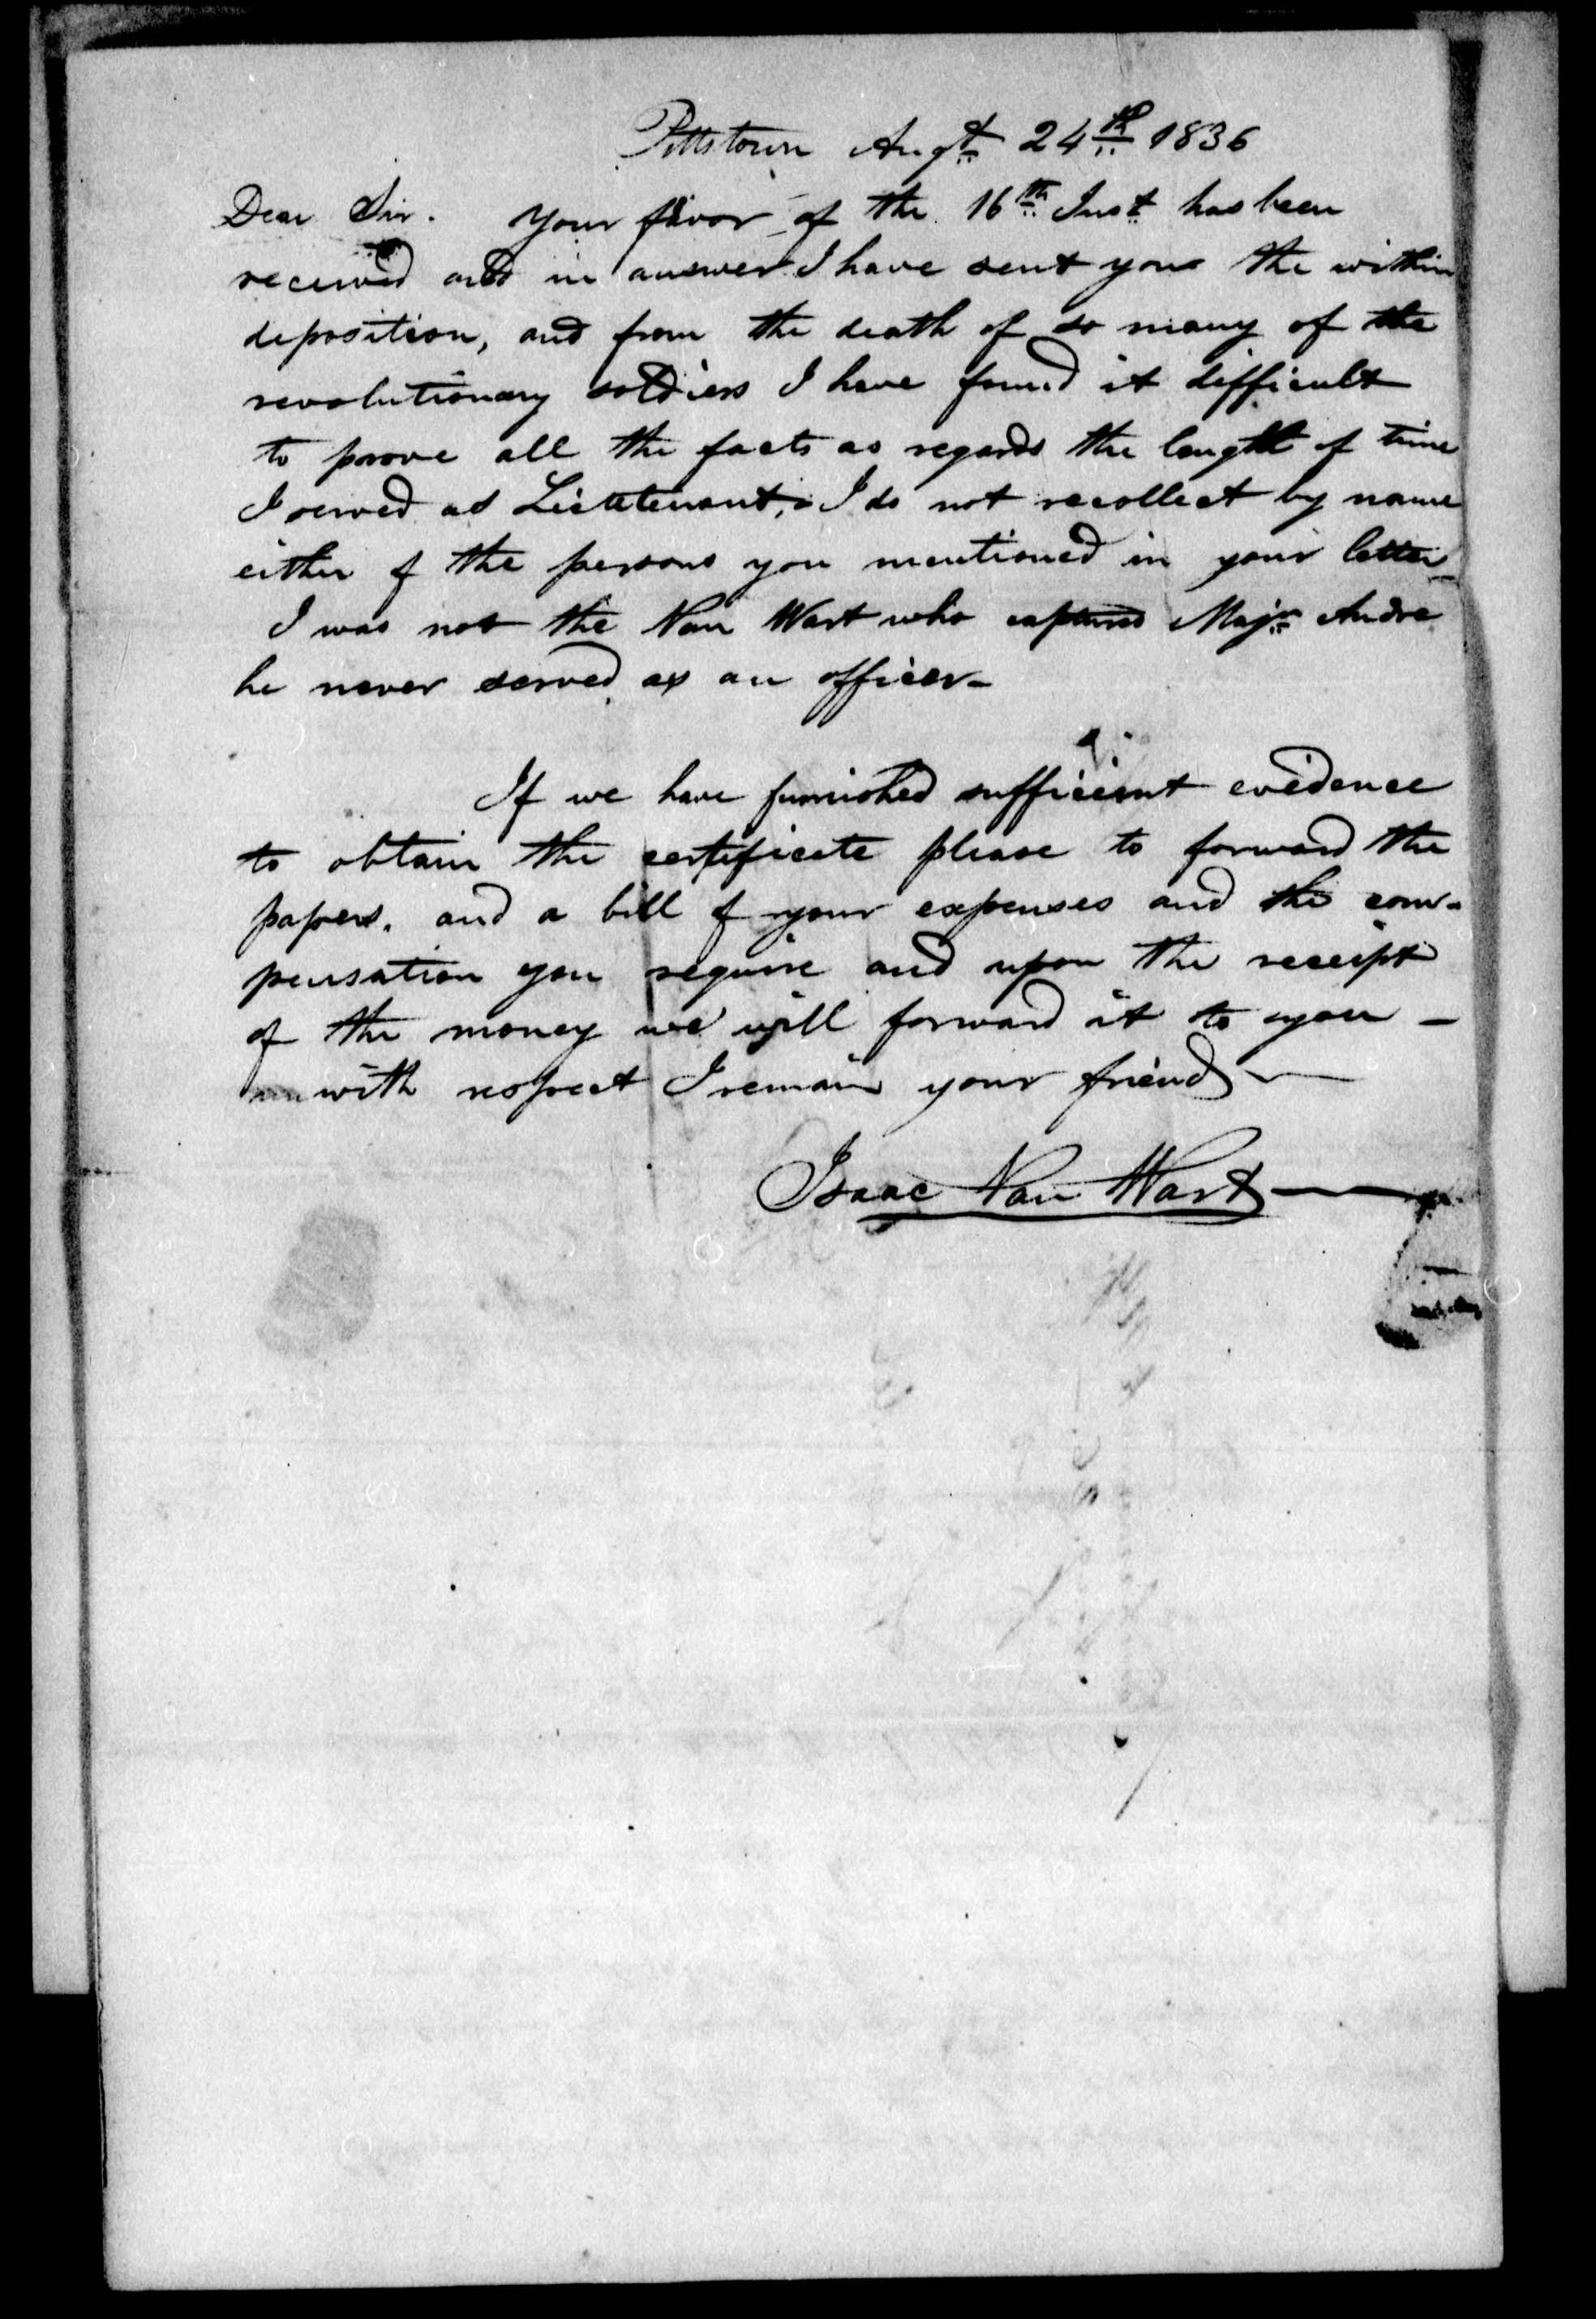Pittstown Augt 24th 1836

Dear Sir.  Your favor of the 16th just has been received and in answer I have sent you the written deposition, and from the death of so many of the revolutionary soldiers I have found it difficult to prove all the facts as regards the length of time I served as Lieutenant;  I do not recollect by name either of the persons you mentioned in your letter.  I was not the Van Wart who captured Major Andre he never served as an officer.

     If we have furnished sufficient evidence to obtain the certificate please to forward the papers, and a bill of your expenses and the compensation you require and upon the receipt of the money we will forward it to you  - with respect.

I remain your friend
(signed)
Isaac Van Wart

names: Andre, Isaac Van Wart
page: 74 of 102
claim: widow's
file: W. 18239, Isaac Van Wart, New York